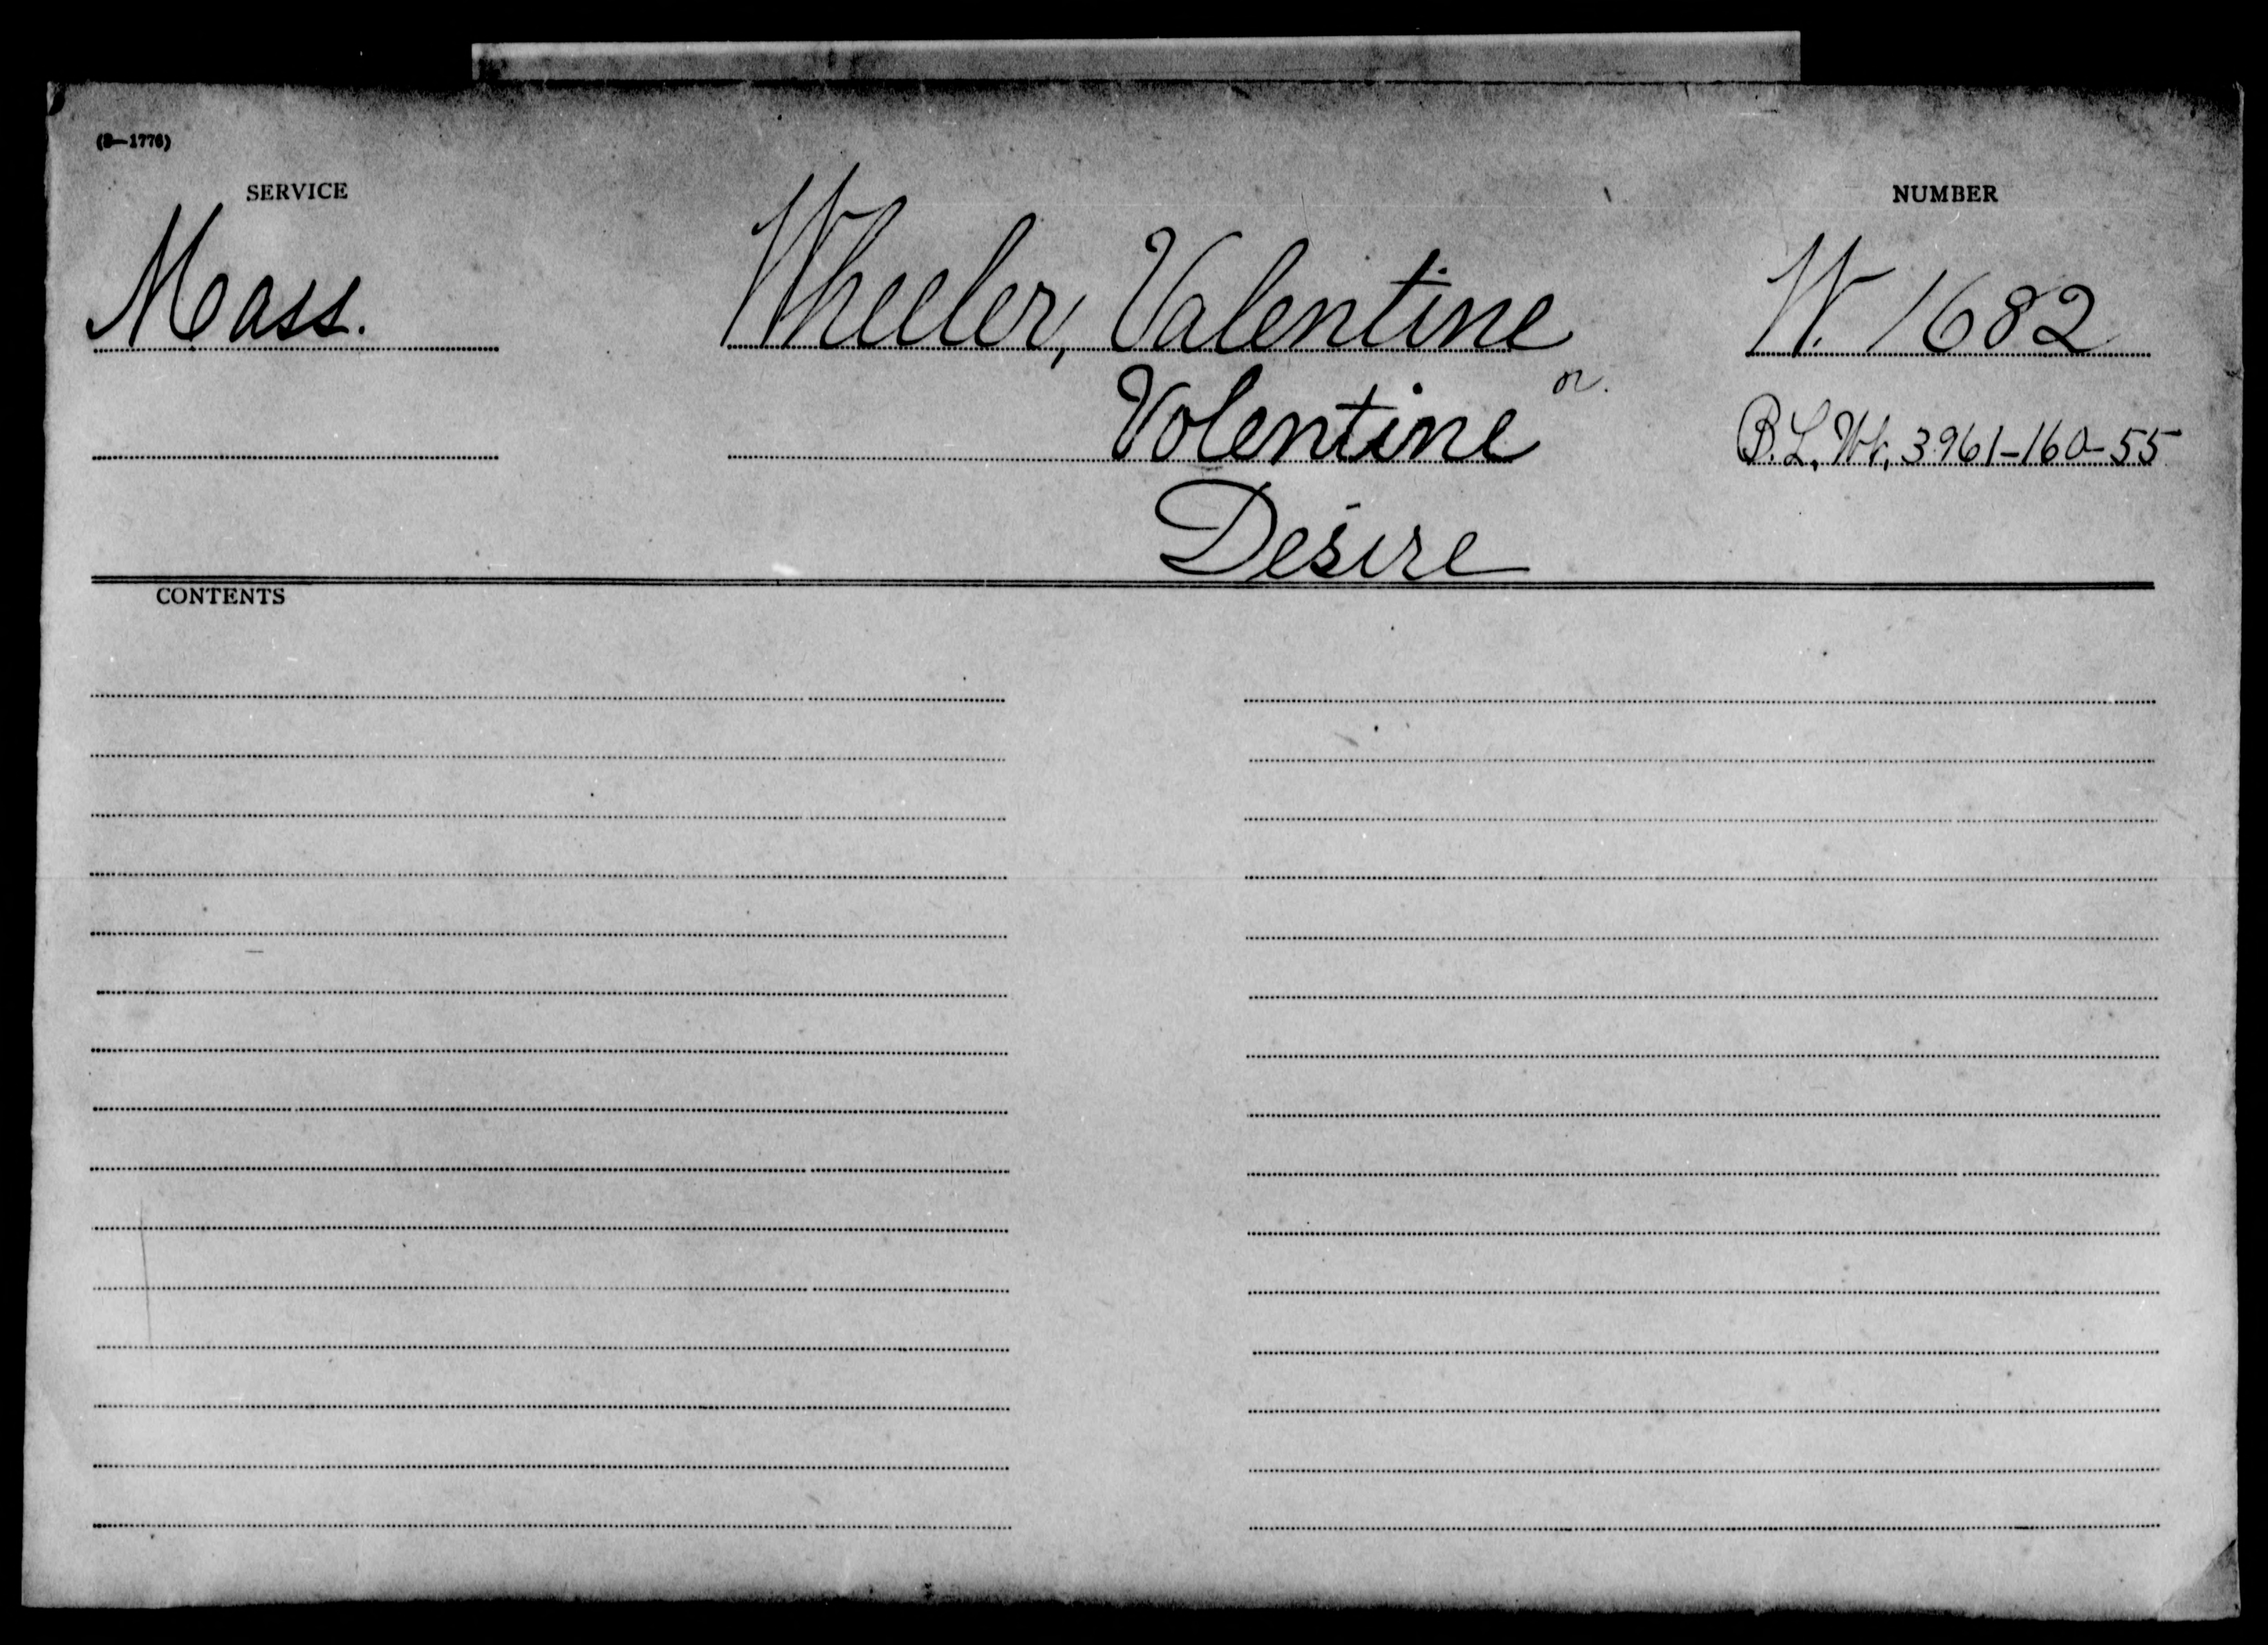Wheeler, Valentine or
Volentine
Desire
Service Mass.
Number W. 1682
B. L. W. 3961-160-55

Contents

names: Volentine Wheeler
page: 1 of 98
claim: widow's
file: W. 1682, Valentine Wheeler, Mass.